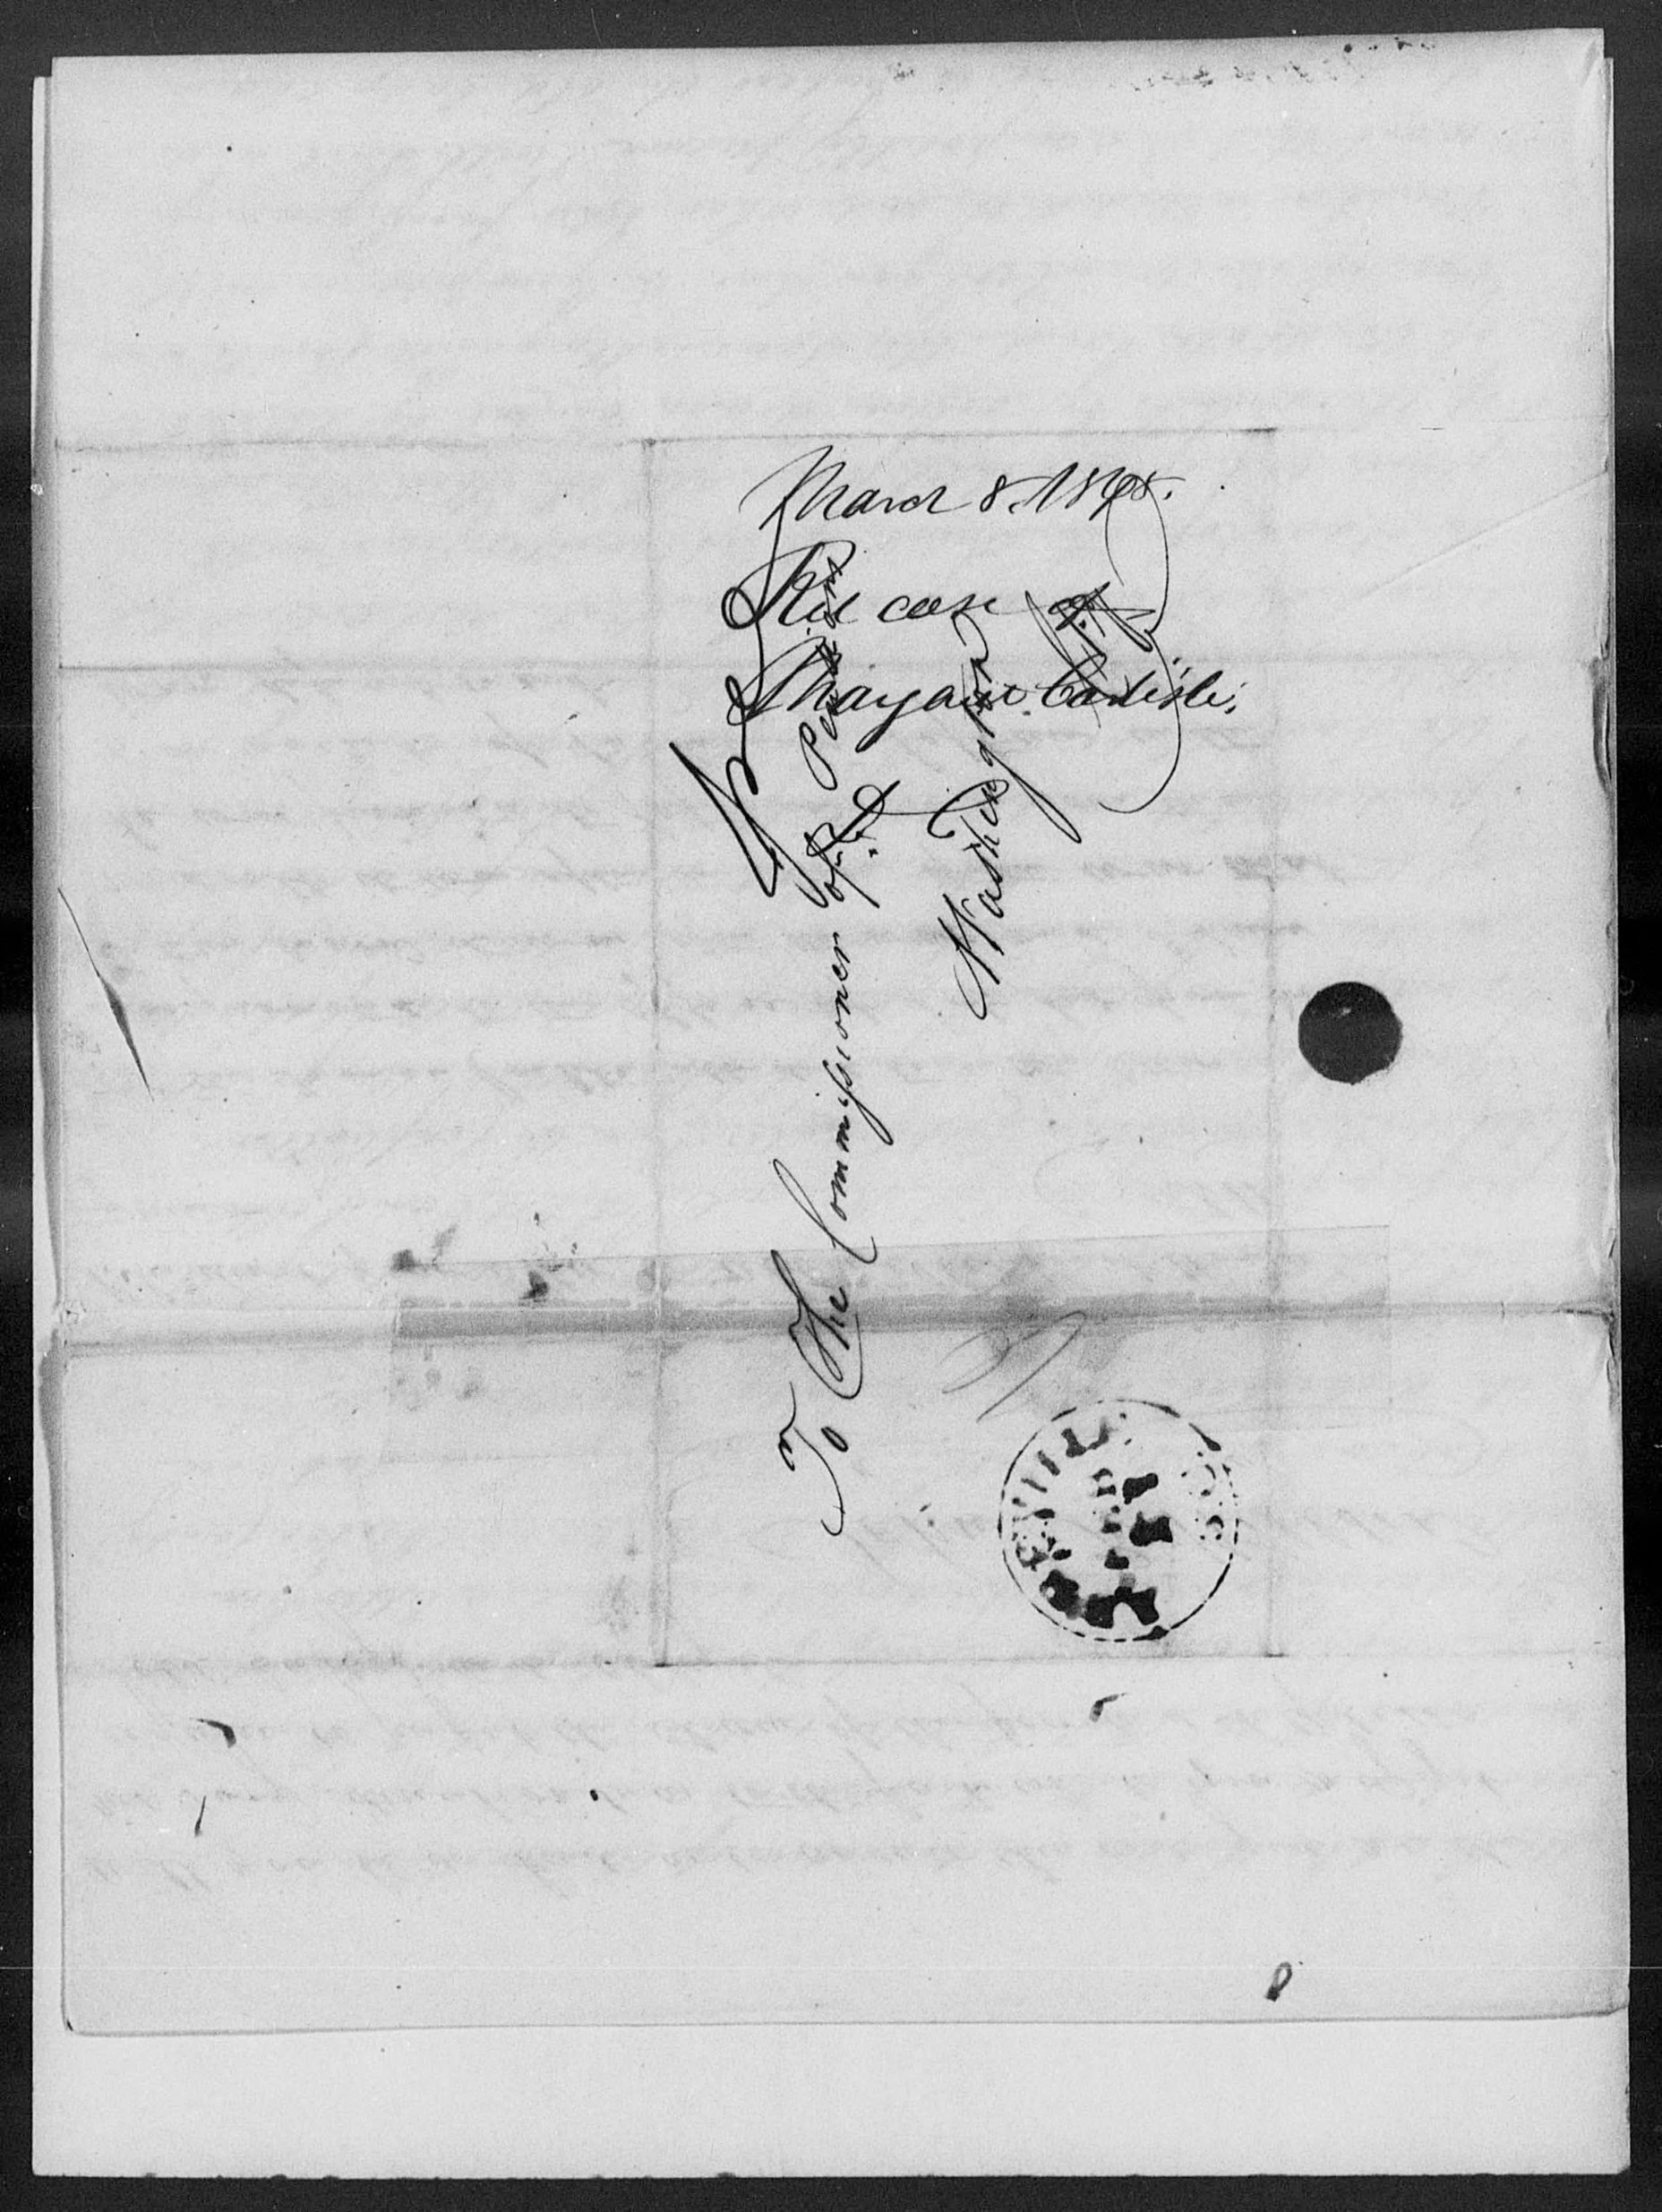March 8. [illegible]
R[illegible] caseof
Margaret Carlisle
D. C


[illegible]
To the Commissioner  of Pensions
Washington City

[postal stamp]
[illegible]
[illegible]
[illegible]
S.C.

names: Margaret Carlisle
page: 86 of 91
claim: widow's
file: W. 10576, Francis Carlisle, S.C.